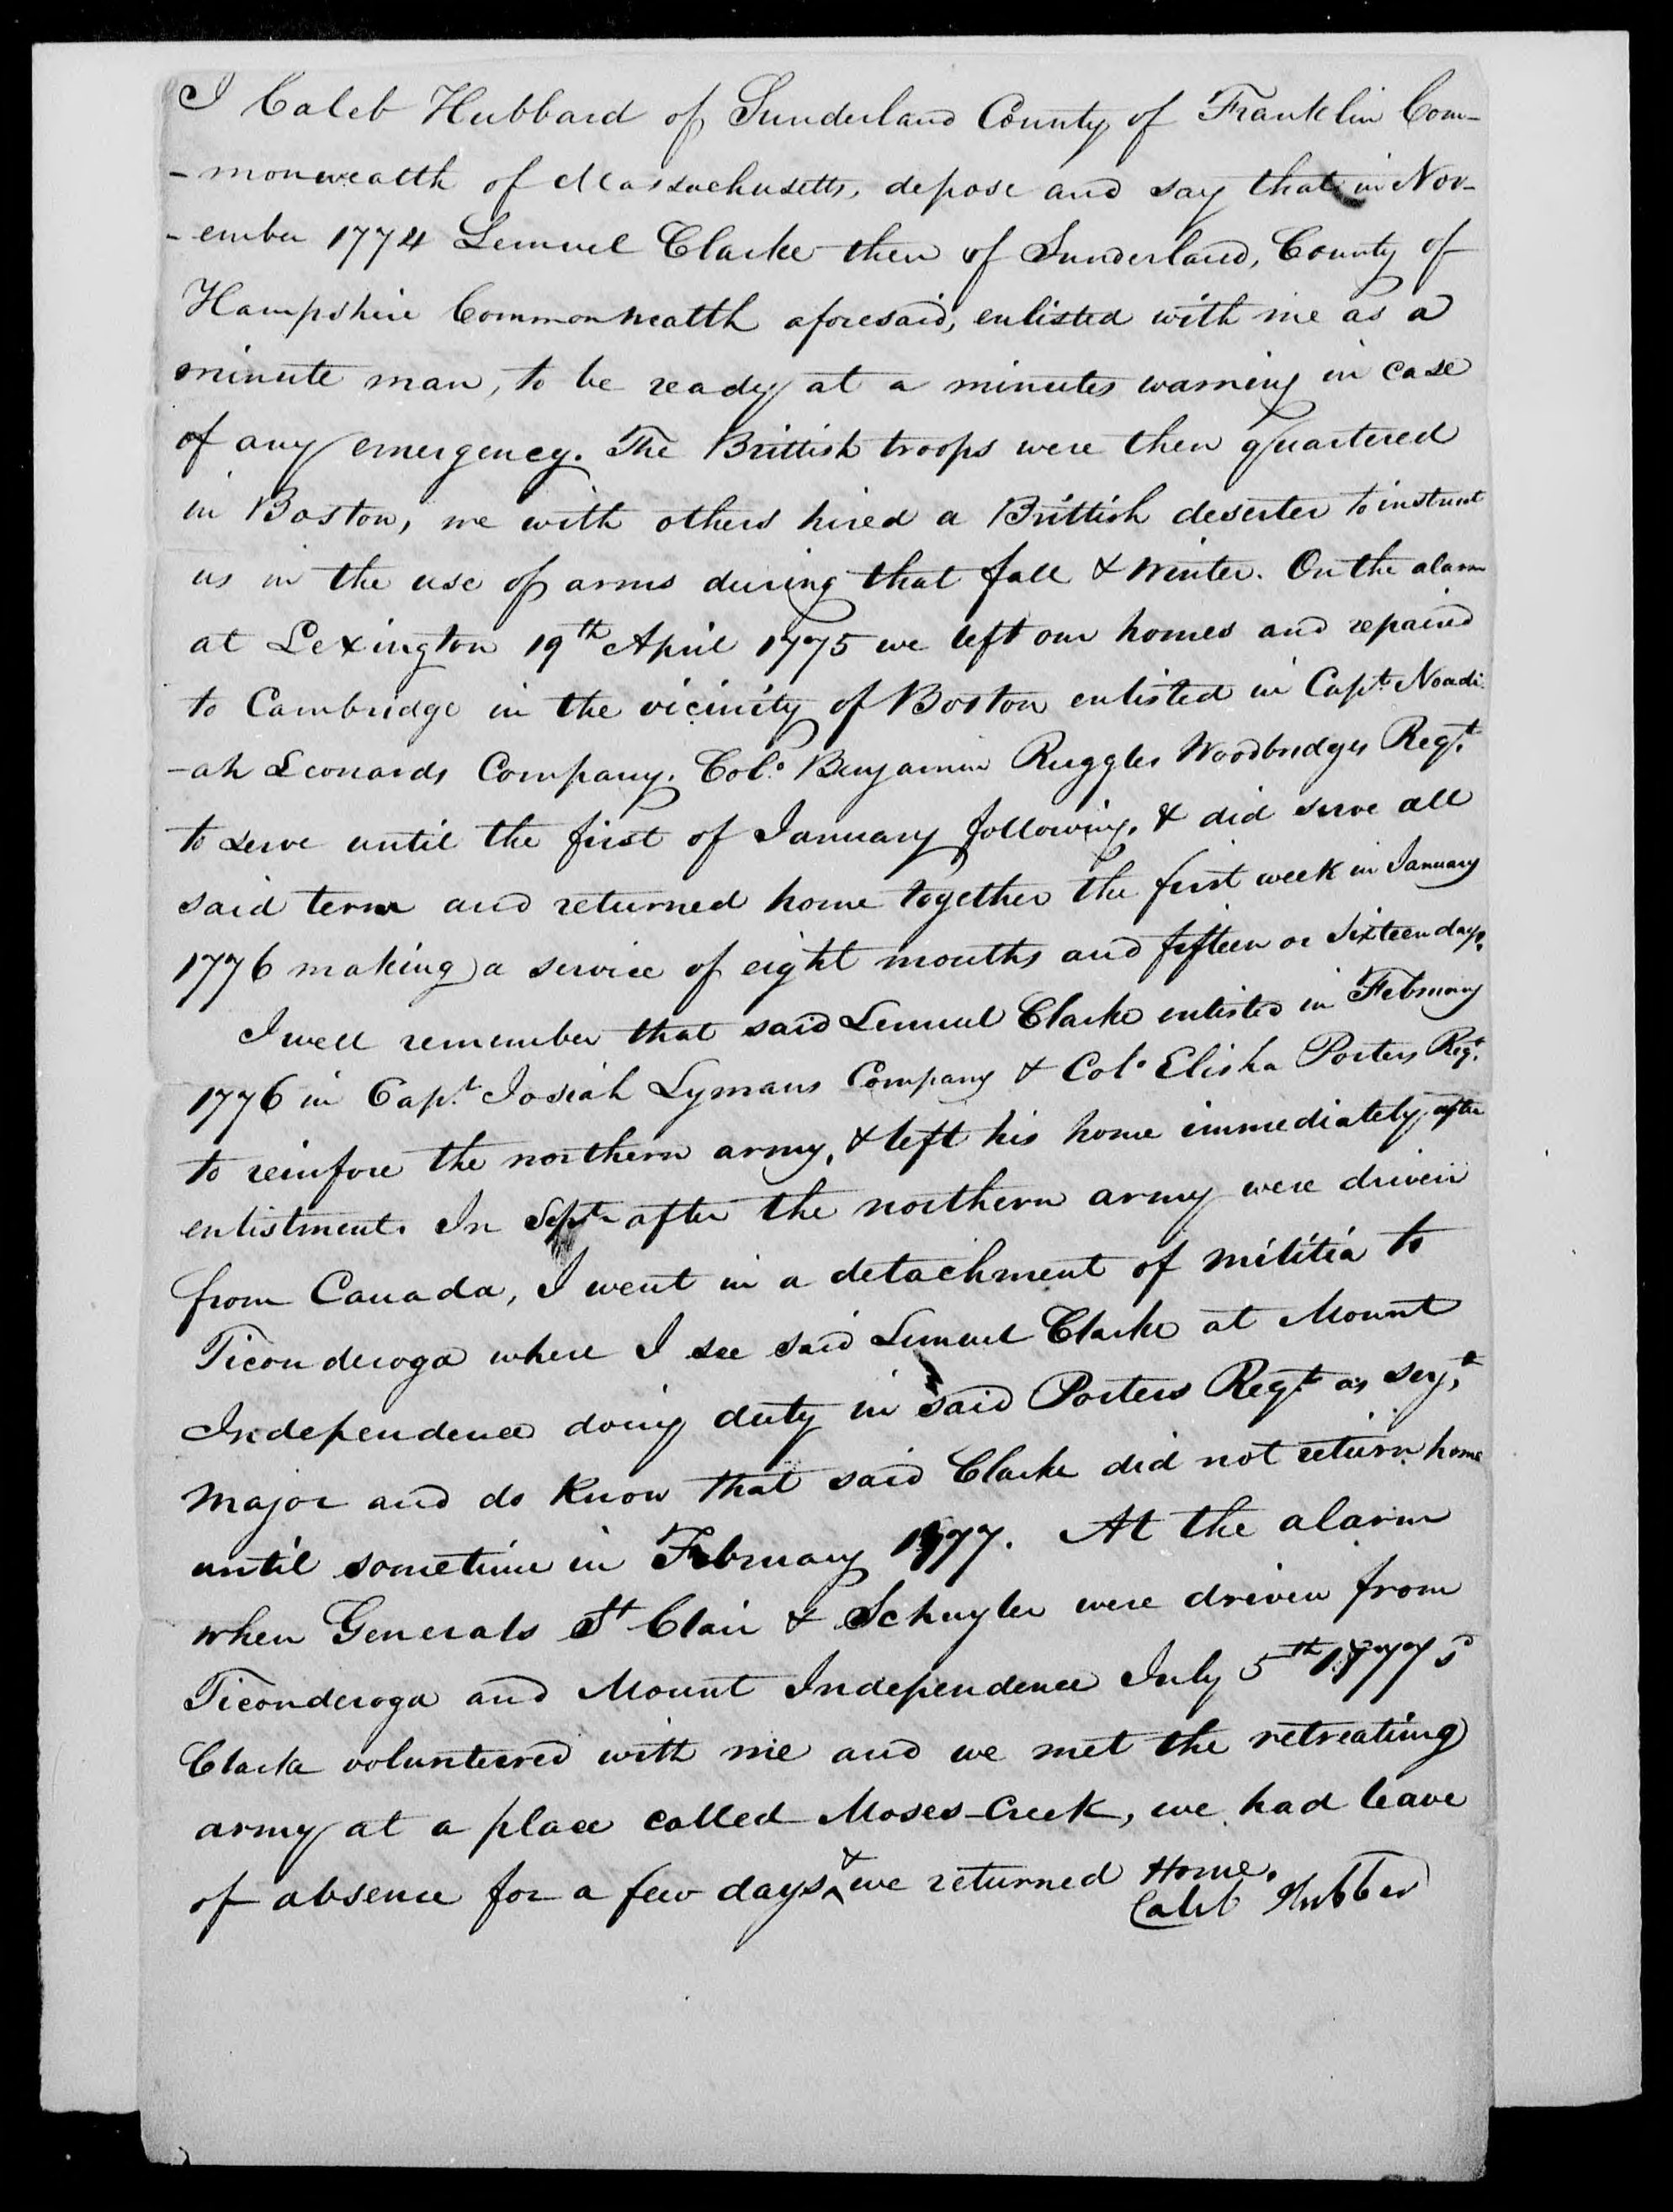I Caleb Hubbard of Sunderland County of Franklin Commonwealth of Massachusetts, depose and say that in November 1774 Lemuel Clarke then of Sunderland, County of Hampshire Commonwealth aforesaid, enlisted with me as a minute man, to be ready at a minutes warning in case of any emergency. The Brittish troops were then quartered in Boston, we with others hired a Brittish deserter to instruct us in the use of arms during that fall & winter. On the alarm at Lexington 19th April 1775 we left our homes and repaired to Cambridge in the vicinity of Boston enlisted in Capt Noadiah Leonards Company, Col. Benjamin Ruggles Woodbridges Regt to serve until the first of January following, & did serve all term and returned home together the first week in January 1776 making a service of eight months and fifteen or sixteen day 

I well remember that said Lemuel Clark enlisted in February 1776 in Capt Josiah Lymans Company & Col. Elisha Porter to reinfore the northern army, & left his home immediately after enlistment. In Sept after the northern army were driven from Canada, I went in a detachment of militia to Ticonderoga where I see said Samuel Clarke at Mount Independence doing duty in said Porters Regt as Sergt Major and do know that said Clark did not return home until sometime in February 1777. At the alarm when Generals St Clair & Schuyler were driven from Ticonderoga and Mount Independence July 5th 1777 sd Clark volunteered with me and we met the retreating army at a place called Moses Creek, we had leave of absence for a few days we returned Home. 
Caleb Hubbard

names: Lemuel Clarke, Clarke, Schuyler, Clarke, Lemuel Clarke, Caleb Hubbard, Caleb Hubbard, Lemuel Clarke, St Clair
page: 32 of 48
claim: survivor's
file: S. 17343, Lemuel Clarke, Mass.